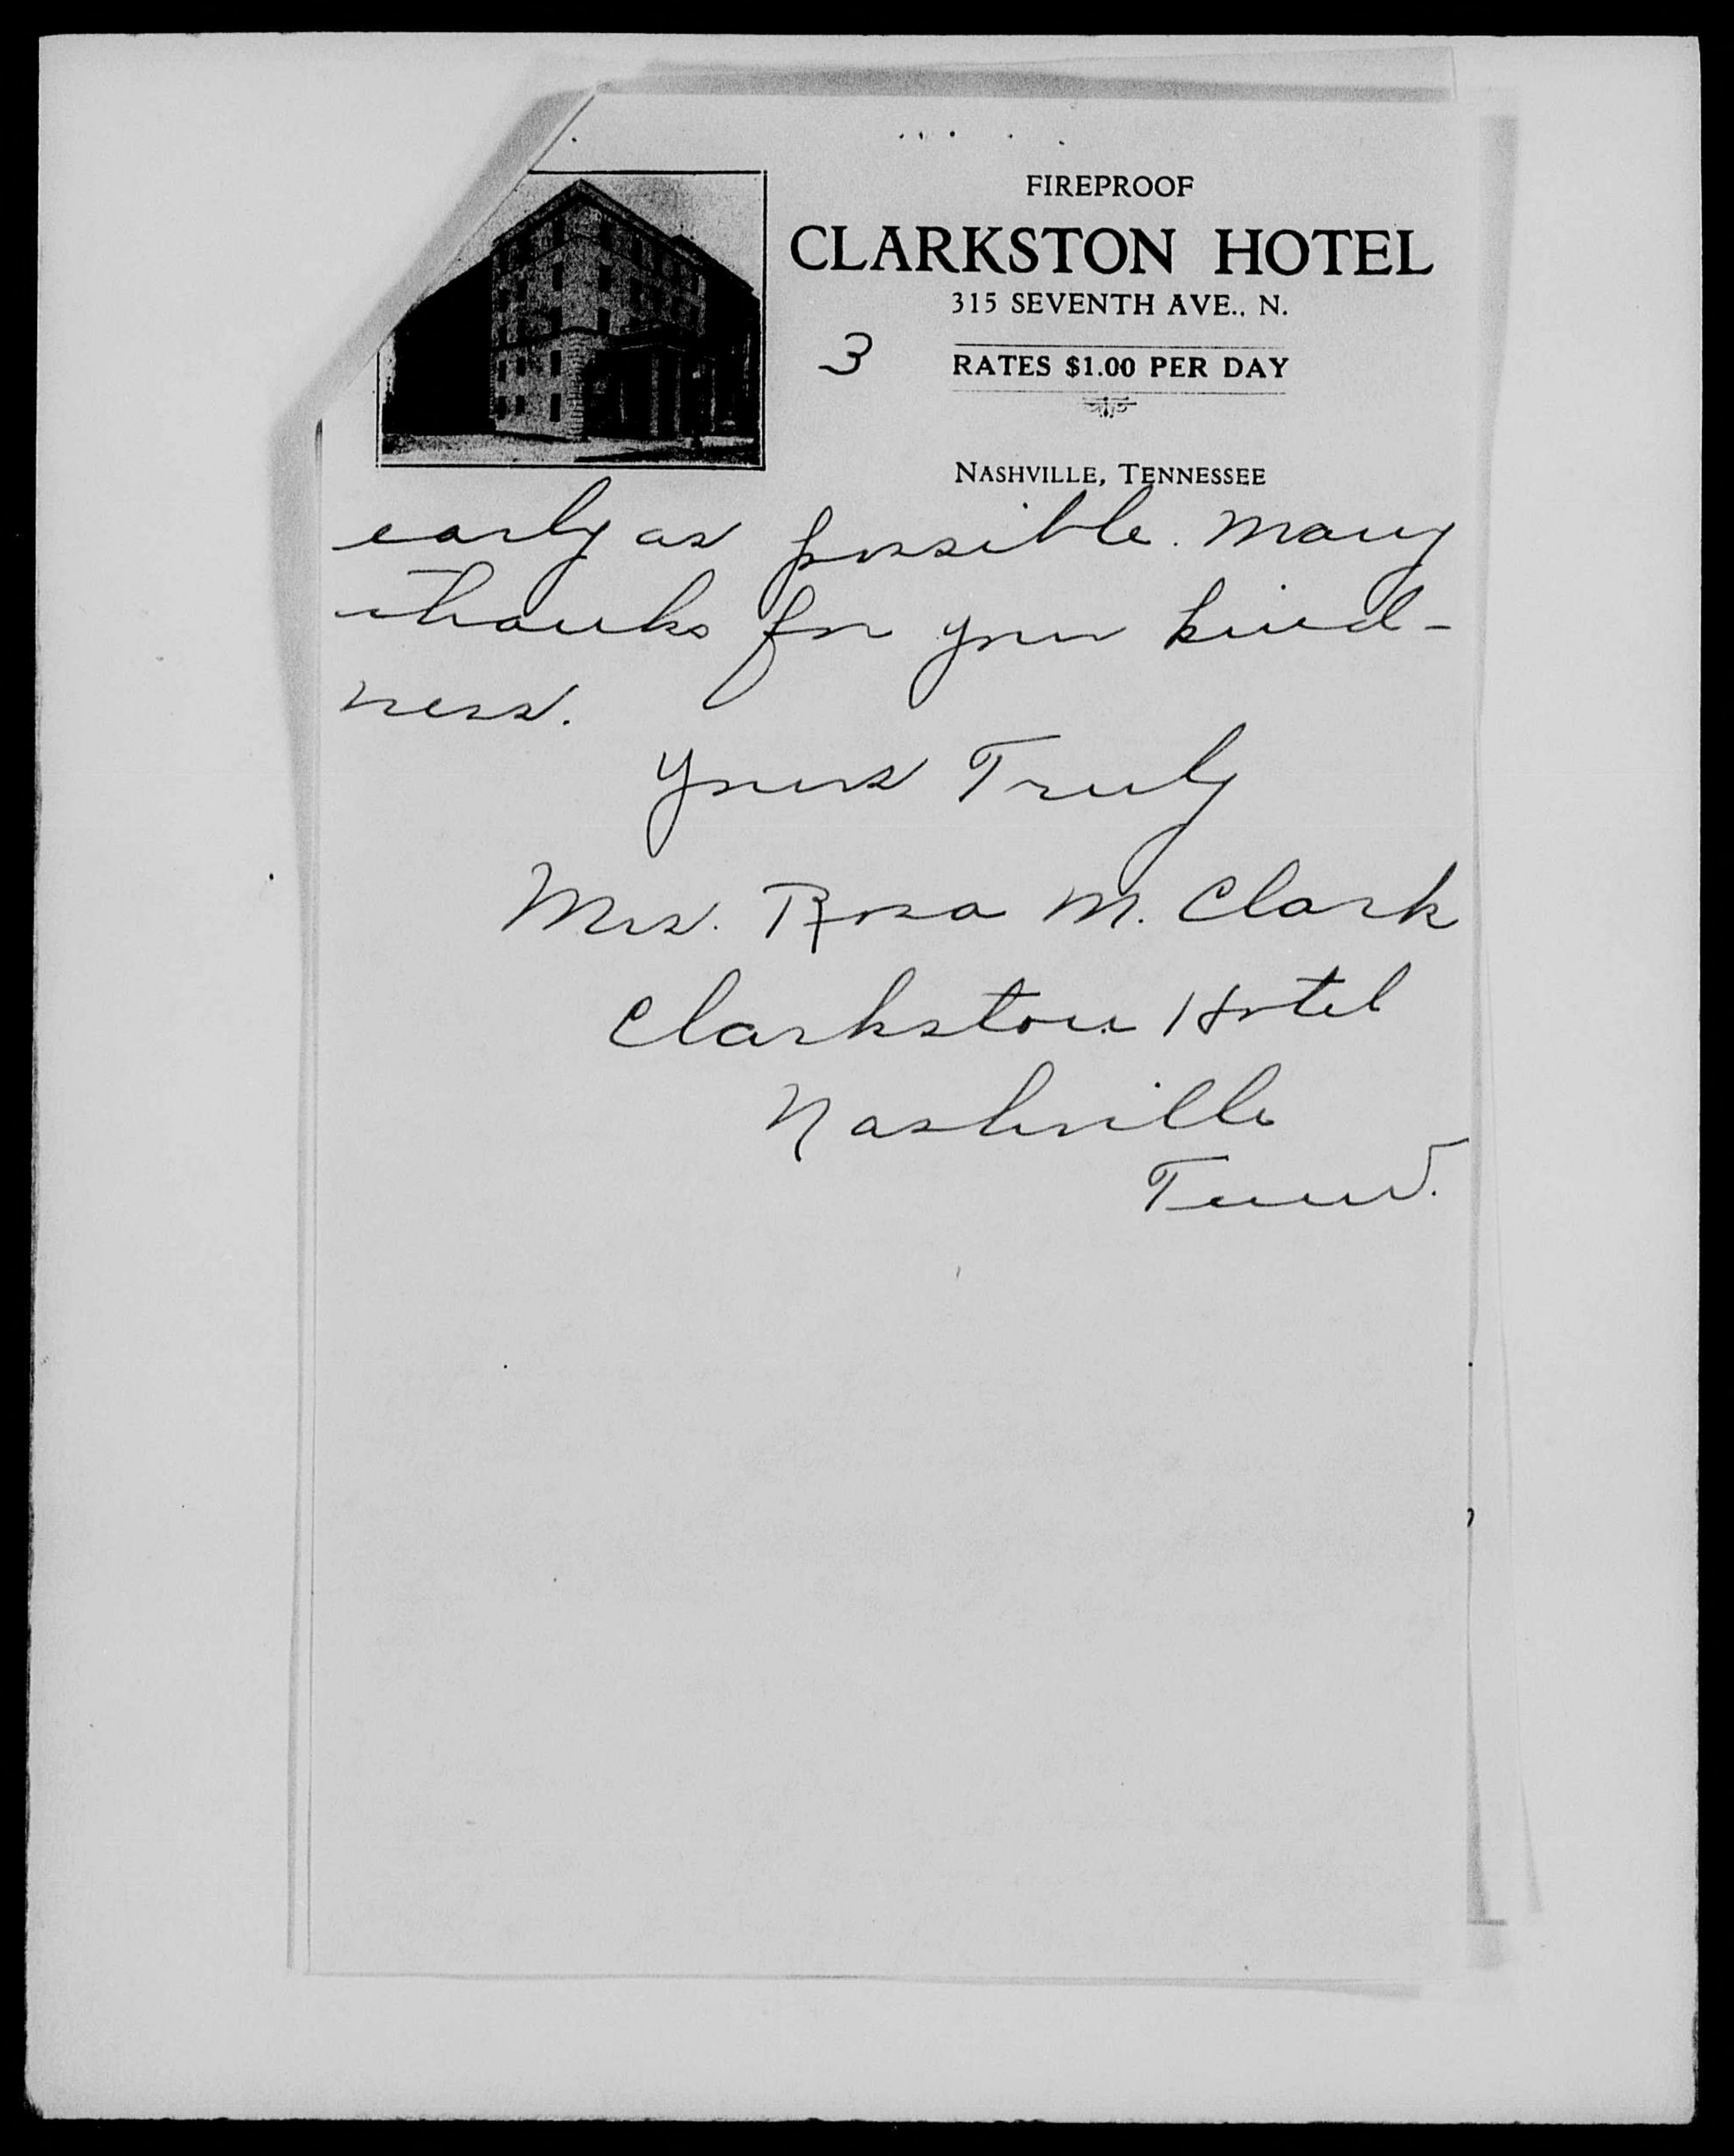FIREPROOF
CLARKSTON HOTEL
315 SEVENTH AVE., N.
3
RATES $1.00 PER DAY

NASHVILLE, TENNESSEE

early as possible. Many thanks for your kind-ness.

Yours Truly
Mrs. Rosa M. Clark
Clarkston Hotel
Nashville Tenness.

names: Rosa M Clark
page: 52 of 144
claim: rejected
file: R. 5208, Dennis Hopkins, N.C.